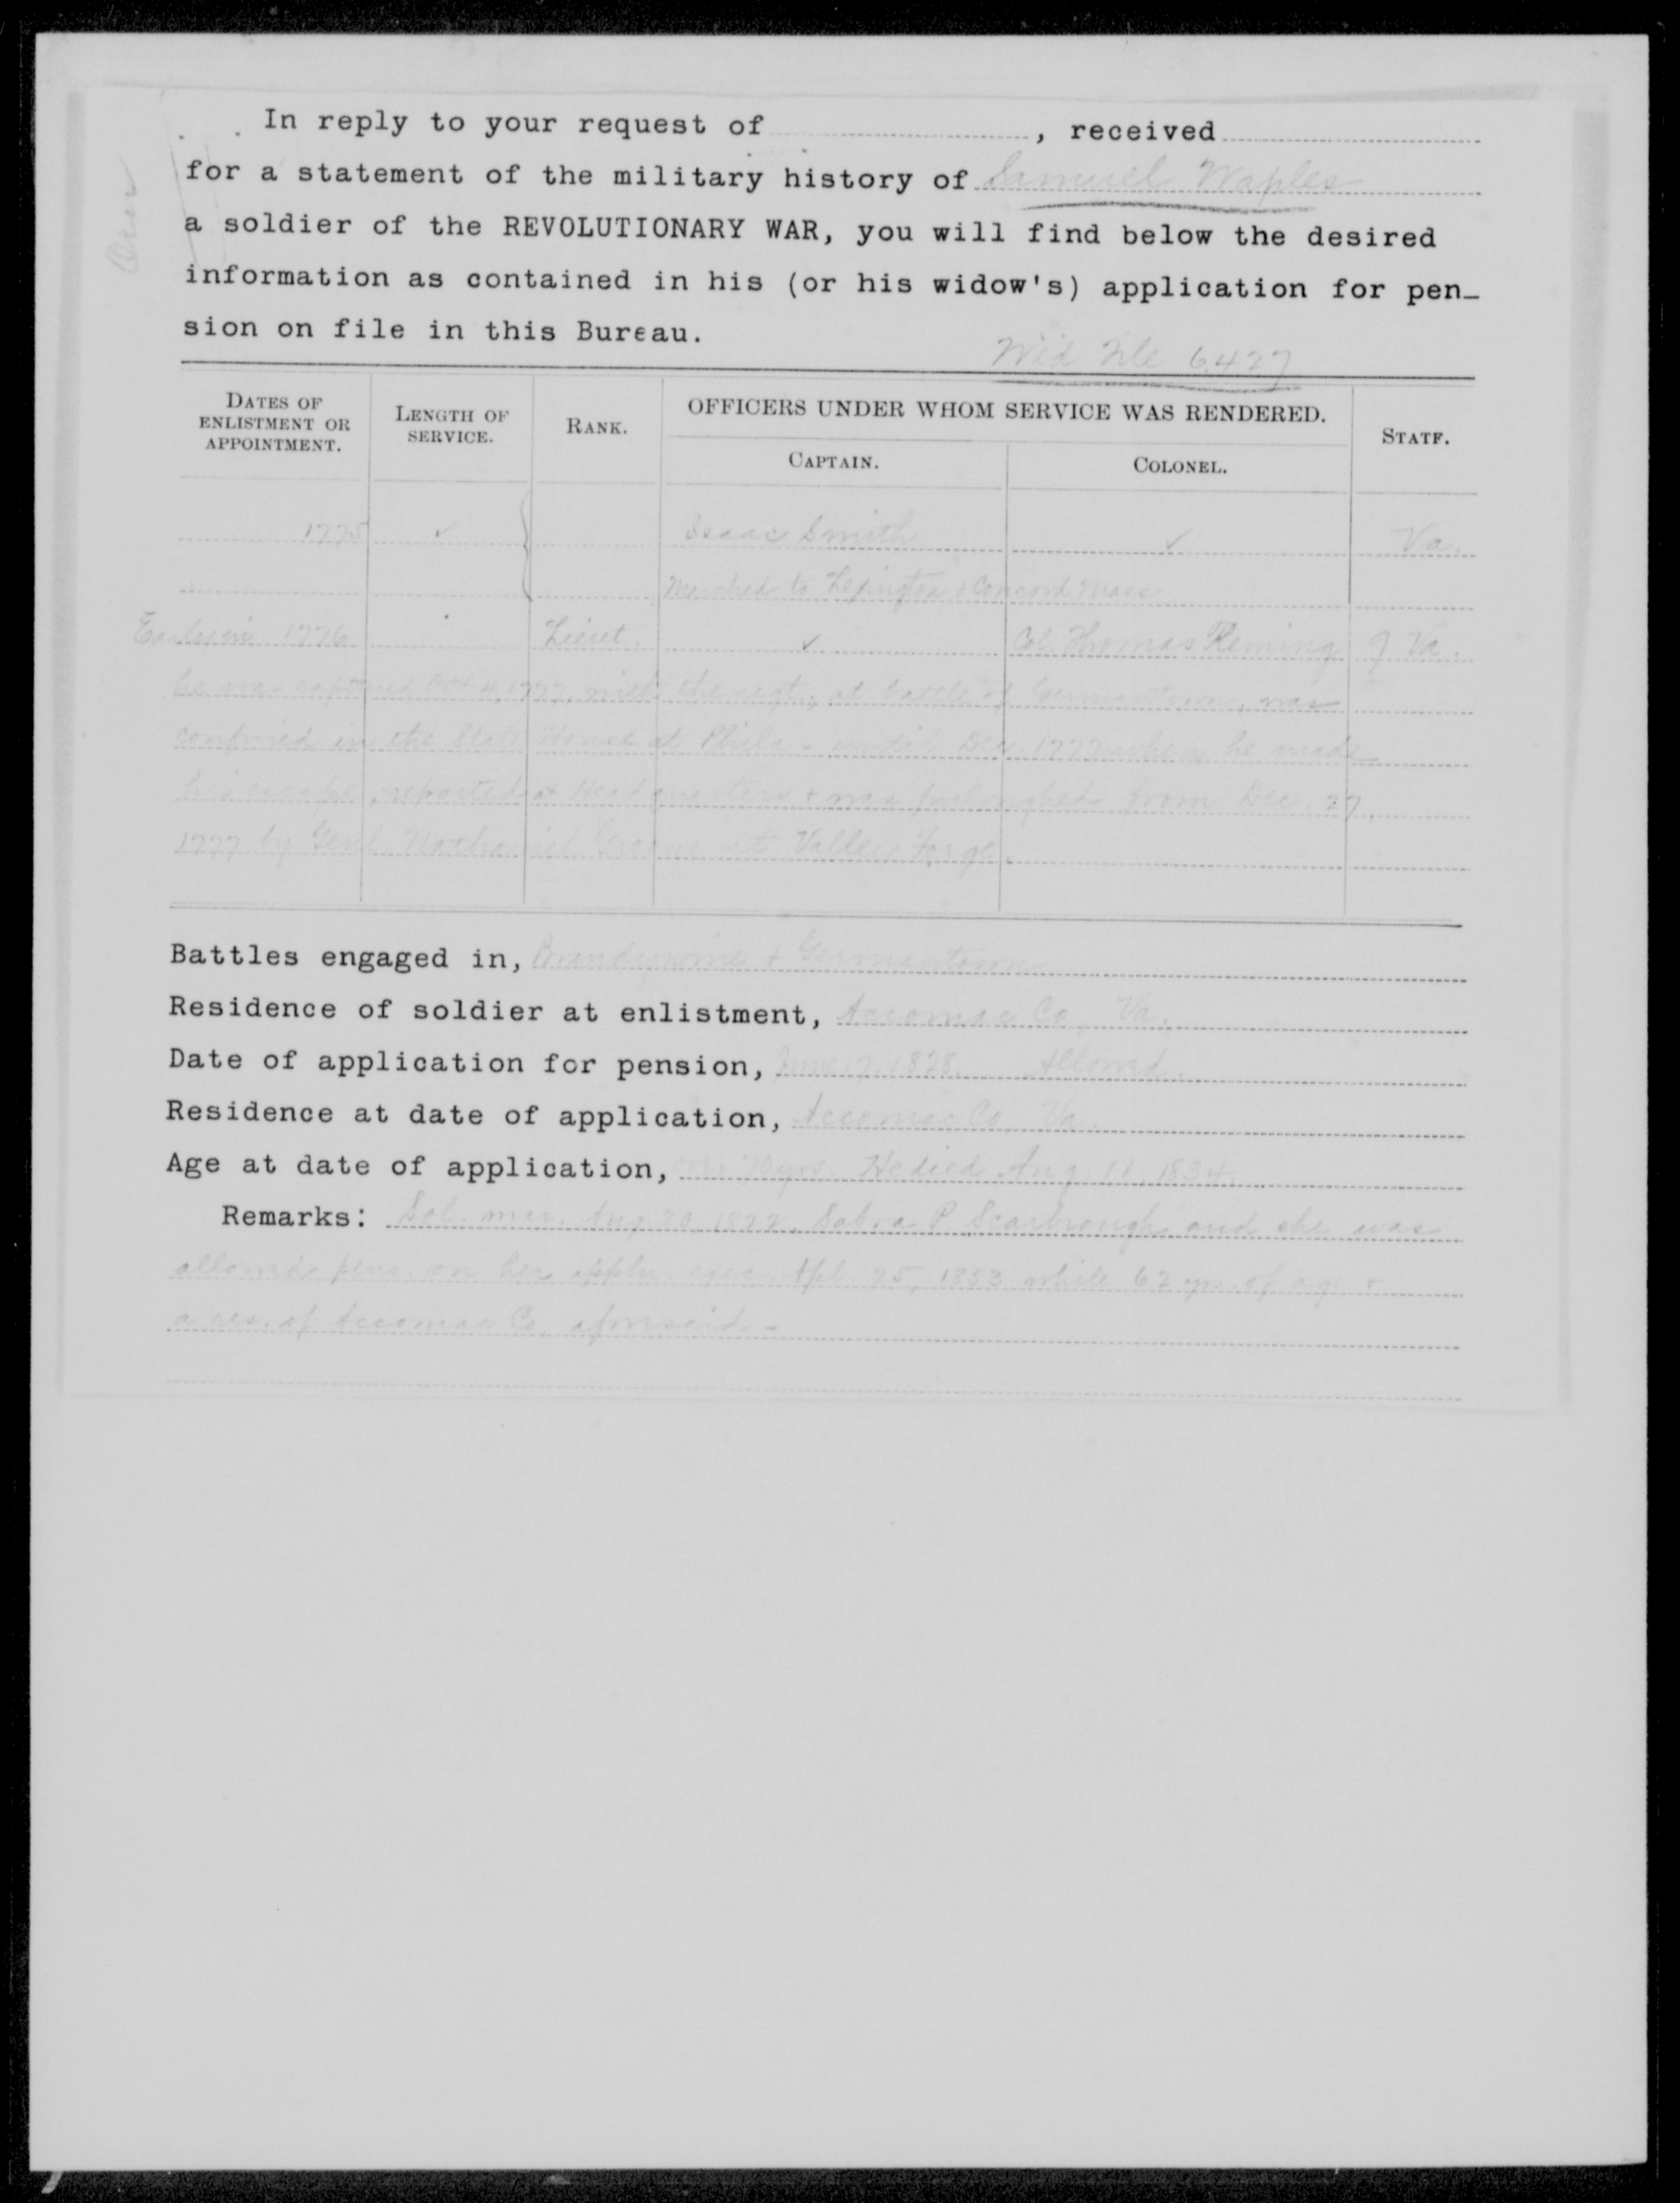sion on file in this Bureau.
[printed form, blanks filled out by hand]

In reply to your request of ___________, received ________________
for a statement of the military history of Samuel Wales
a soldier of the REVOLUTIONARY WAR, you will find below the desired information as contained in his (or his widow's) application for pension in this Bureau. Wid File 6,427

DATES OF ENLISTMENT OR APPOINTMENT. 
LENGTH OF SERVICE.
RANK.OFFICERS UNDER WHOM SERVICE WAS RENDERED. | CAPTAIN. | COLONEL.
STATE.

Enlisted 1775 under CAPTAIN Isaac Smith marched to Lexington & Concord Mass, STATE of enlistment Va. 

Enlisted 1776 as Lieut under CAPTAIN Isaac Smith marched to Lexington & Concord Mass, STATE of enlistment Va. He was captured Oct 4, 1777 with the regt. at Battle of Germantown, Mass confined in the State House of Phila - until Dec 1777 when he made his escape, reported at Headquarters & furloughed  from Dec 27, 1777 by Genl Nathaniel Greene at Valley Forge.

Battles engaged in, Brandywine & Germantown
Residence of soldier at enlistment, Accomac Co, Va.
Date of application for pension, June 27, 1828. Allowed
Residence at date of application, Accomac Coa.
Age at date of application, over 70 yrs. He died Aug 11, 1834
Remarks: Sol. Mar, Aug 20, 1822, Sabia P. Scarbrough and she was
allowed pension on her application Apl 25, 1853 while 62 of
age & a res. Accomac Co. aforesaid.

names: Samuel Waples, , , Catherine Reming, , Isaac Smith, , , , , , , ,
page: 23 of 59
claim: widow's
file: W. 6427, Samuel Waples, Va.